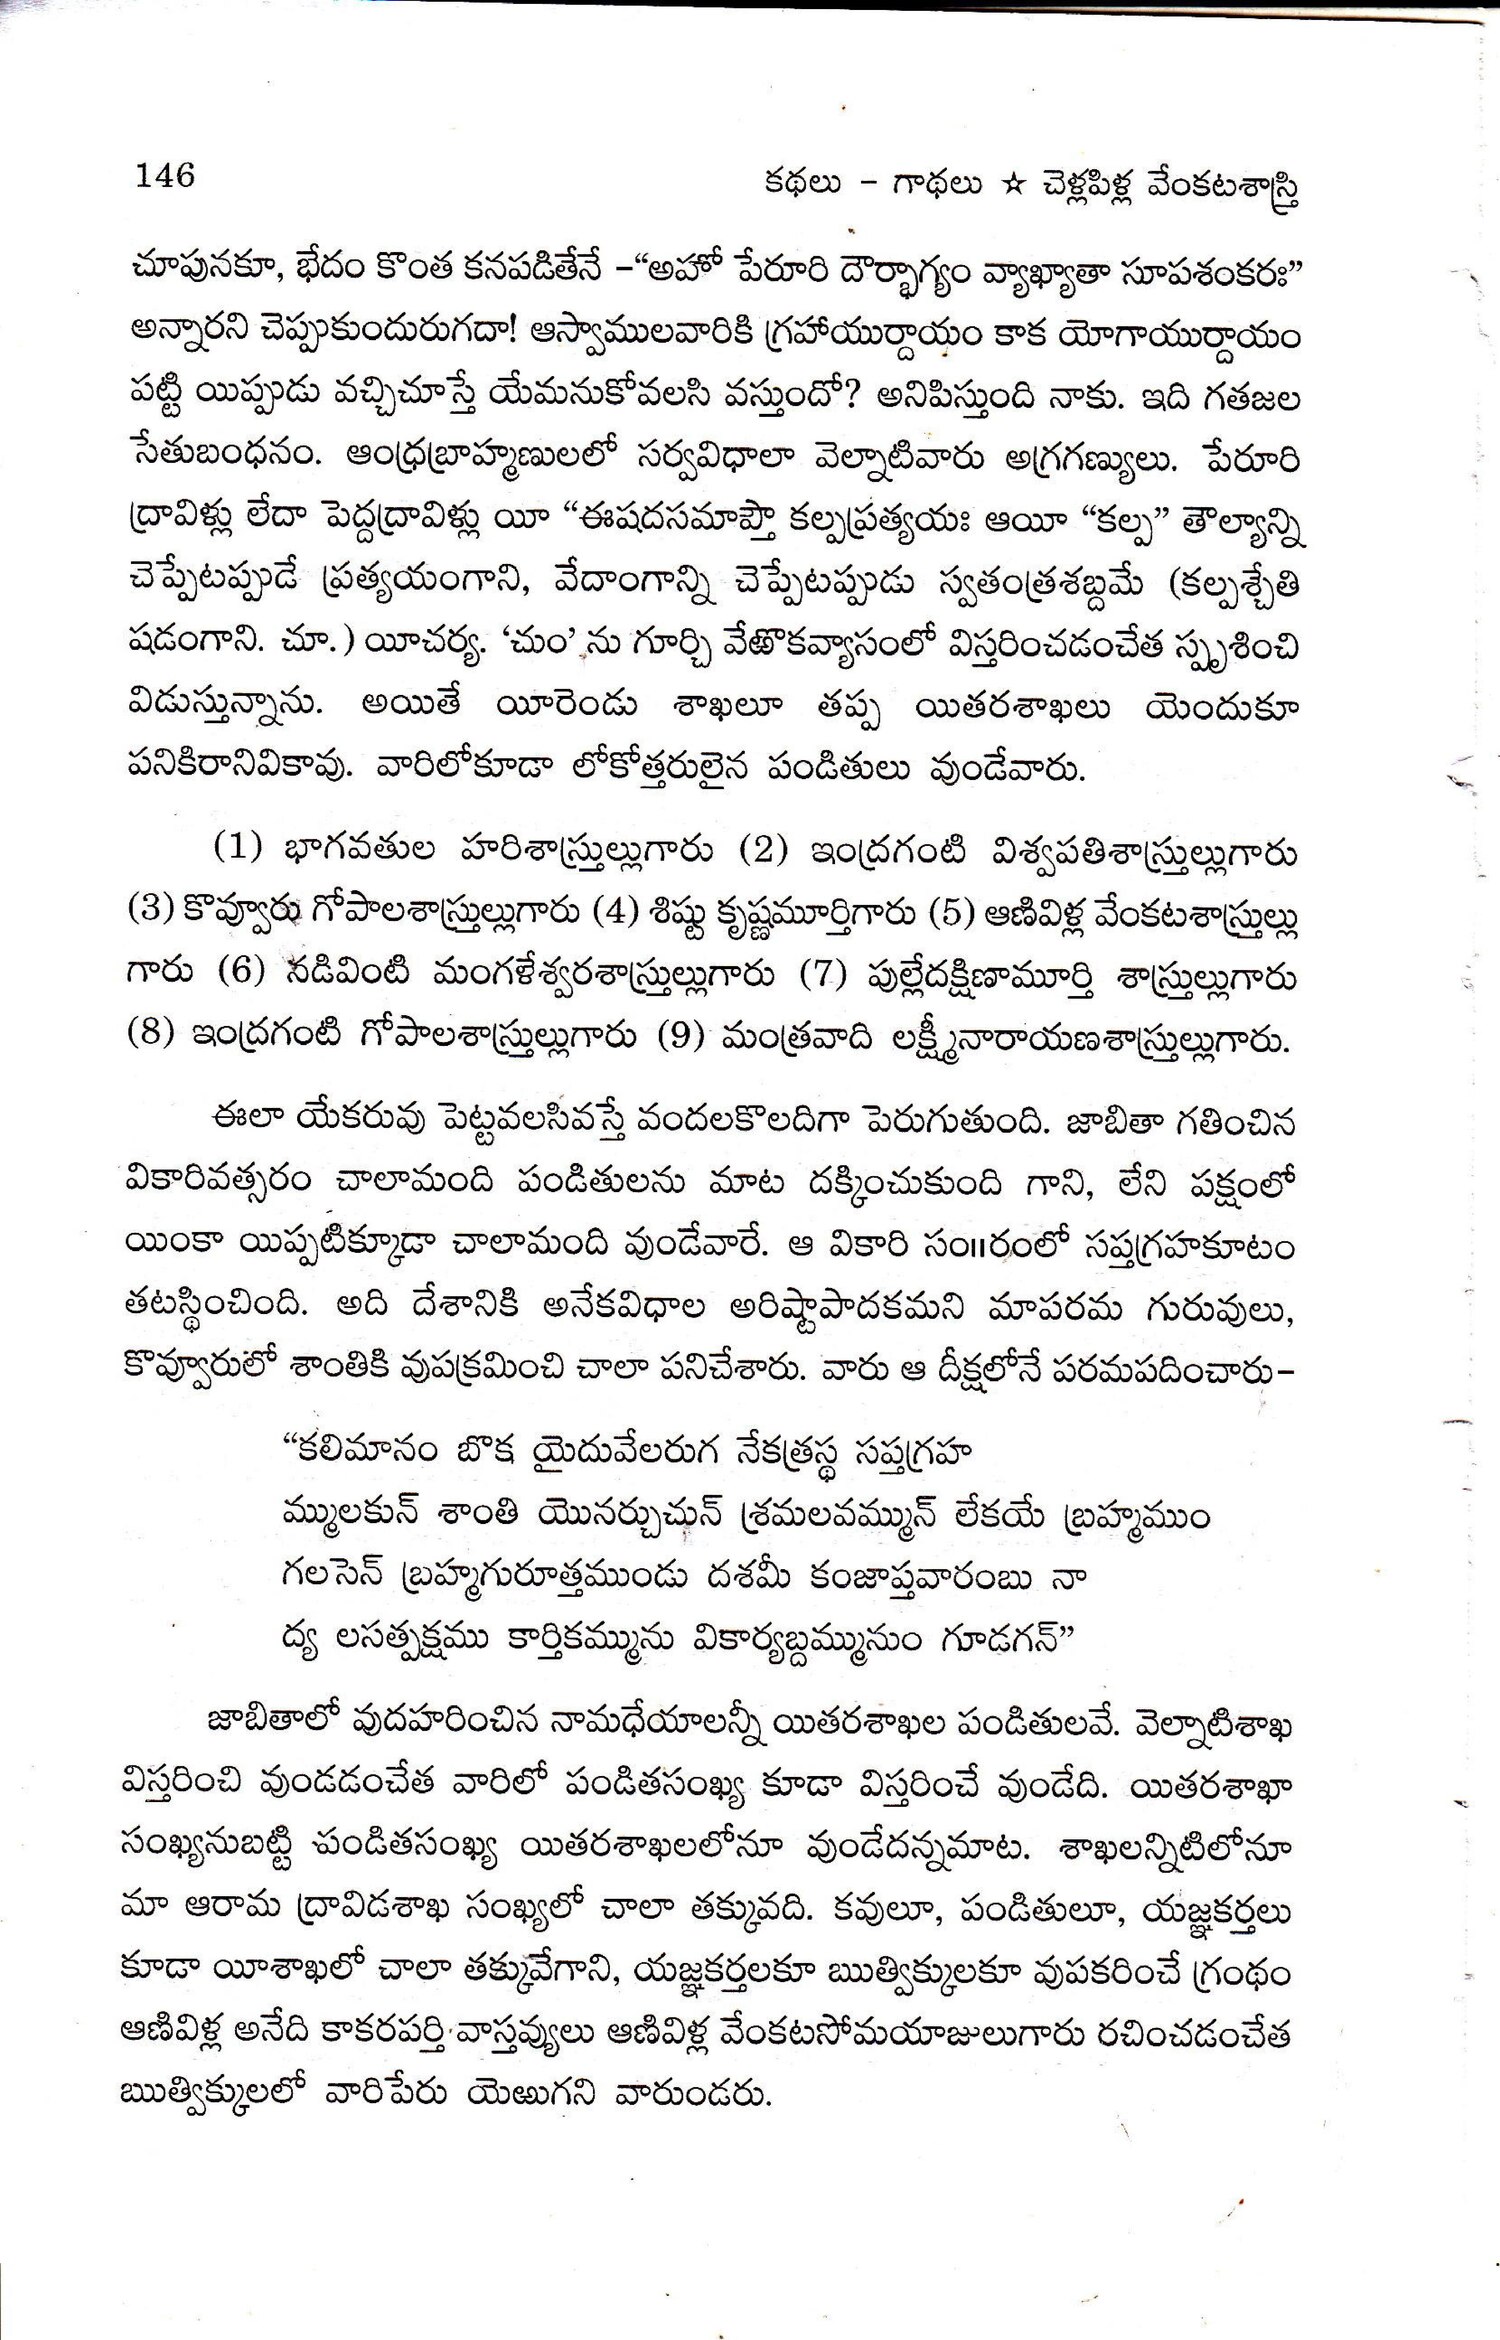చూపునకూ, భేదం కొంత కనపడితేనే -"అహో పేరూరి దౌర్భాగ్యం వ్యాఖ్యాతా సూపశంకరః" అన్నారని చెప్పుకుందురుగదా! ఆస్వాములవారికి గ్రహాయుర్దాయం కాక యోగాయుర్దాయం పట్టి యిప్పుడు వచ్చిచూస్తే యేమనుకోవలసి వస్తుందో? అనిపిస్తుంది నాకు. ఇది గతజల సేతుబంధనం. ఆంధ్రభ్రాహ్మణులలో సర్వవిధాలా వెల్నాటివారు అగ్రగణ్యులు. పేరూరి ద్రావిళ్లు లేదా పెద్దద్రావిళ్లు యీ "ఈషదసమాప్తౌ కల్పప్రత్యయః ఆయీ ‘కల్ప" తౌల్యాన్ని చెప్పేటప్పుడే ప్రత్యయంగాని, వేదాంగాన్ని చెప్పేటప్పుడు స్వతంత్రశబ్దమే (కల్పశ్చేతి షడంగాని, చూ.) యీచర్య. 'చుం' ను గూర్చి వేఱొకవ్యాసంలో విస్తరించడంచేత స్పృశించి విడుస్తున్నాను. అయితే యీ రెండు శాఖలూ తప్ప యితరశాఖలు యెందుకూ పనికిరానివికావు. వారిలోకూడా లోకోత్తరులైన పండితులు వుండేవారు.

(1) భాగవతుల హరిశాస్త్రుల్లుగారు (2) ఇంద్రగంటి విశ్వపతిశాస్త్రుల్లుగారు (3) కొవ్వూరు గోపాలశాస్త్రుల్లుగారు (4) శిష్టు కృష్ణమూర్తిగారు (5) ఆణివిళ్ల వేంకటశాస్త్రుల్లు గారు (6) నడివింటి మంగళేశ్వరశాస్త్రుల్లుగారు (7) పుల్లేదక్షిణామూర్తి శాస్త్రుల్లుగారు (8) ఇంద్రగంటి గోపాలశాస్త్రుల్లుగారు (9) మంత్రవాది లక్ష్మీనారాయణశాస్త్రుల్లుగారు.

ఈలా యేకరువు పెట్టవలసివస్తే వందలకొలదిగా పెరుగుతుంది. జాబితా గతించిన వికారివత్సరం చాలామంది పండితులను మాట దక్కించుకుంది గాని, లేని పక్షంలో యింకా యిప్పటిక్కూడా చాలామంది వుండేవారే. ఆ వికారి సంllరంలో సప్తగ్రహకూటం తటస్థించింది. అది దేశానికి అనేకవిధాల అరిష్టాపాదకమని మాపరమ గురువులు, కొవ్వూరులో శాంతికి వుపక్రమించి చాలా పనిచేశారు. వారు ఆ దీక్షలోనే పరమపదించారు

“కలిమానం బొక యైదువేలరుగ నేకత్రస్థ సప్తగ్రహ 
 మ్ములకున్ శాంతి యొనర్చుచున్ శ్రమలవమ్మున్ లేకయే బ్రహ్మముం 
 గలసెన్ బ్రహ్మగురూత్తముండు దశమీ కంజాప్తవారంబు నా 
 ద్య లసత్పక్షము కార్తికమ్మును వికార్యబ్దమ్మునుం గూడగన్"
జాబితాలో వుదహరించిన నామధేయాలన్నీ యితరశాఖల పండితులవే. వెల్నాటిశాఖ విస్తరించి వుండడంచేత వారిలో పండితసంఖ్య కూడా విస్తరించే వుండేది. యితరశాఖా సంఖ్యనుబట్టి పండితసంఖ్య యితరశాఖలలోనూ వుండేదన్నమాట. శాఖలన్నిటిలోనూ మా ఆరామ ద్రావిడశాఖ సంఖ్యలో చాలా తక్కువది. కవులూ, పండితులూ, యజ్ఞకర్తలు కూడా యీశాఖలో చాలా తక్కువేగాని, యజ్ఞకర్తలకూ ఋత్విక్కులకూ వుపకరించే గ్రంథం ఆణివిళ్ల అనేది కాకరపర్తి వాస్తవ్యులు ఆణివిళ్ల వేంకటసోమయాజులుగారు రచించడంచేత ఋత్విక్కులలో వారిపేరు యెఱుగని వారుండరు.